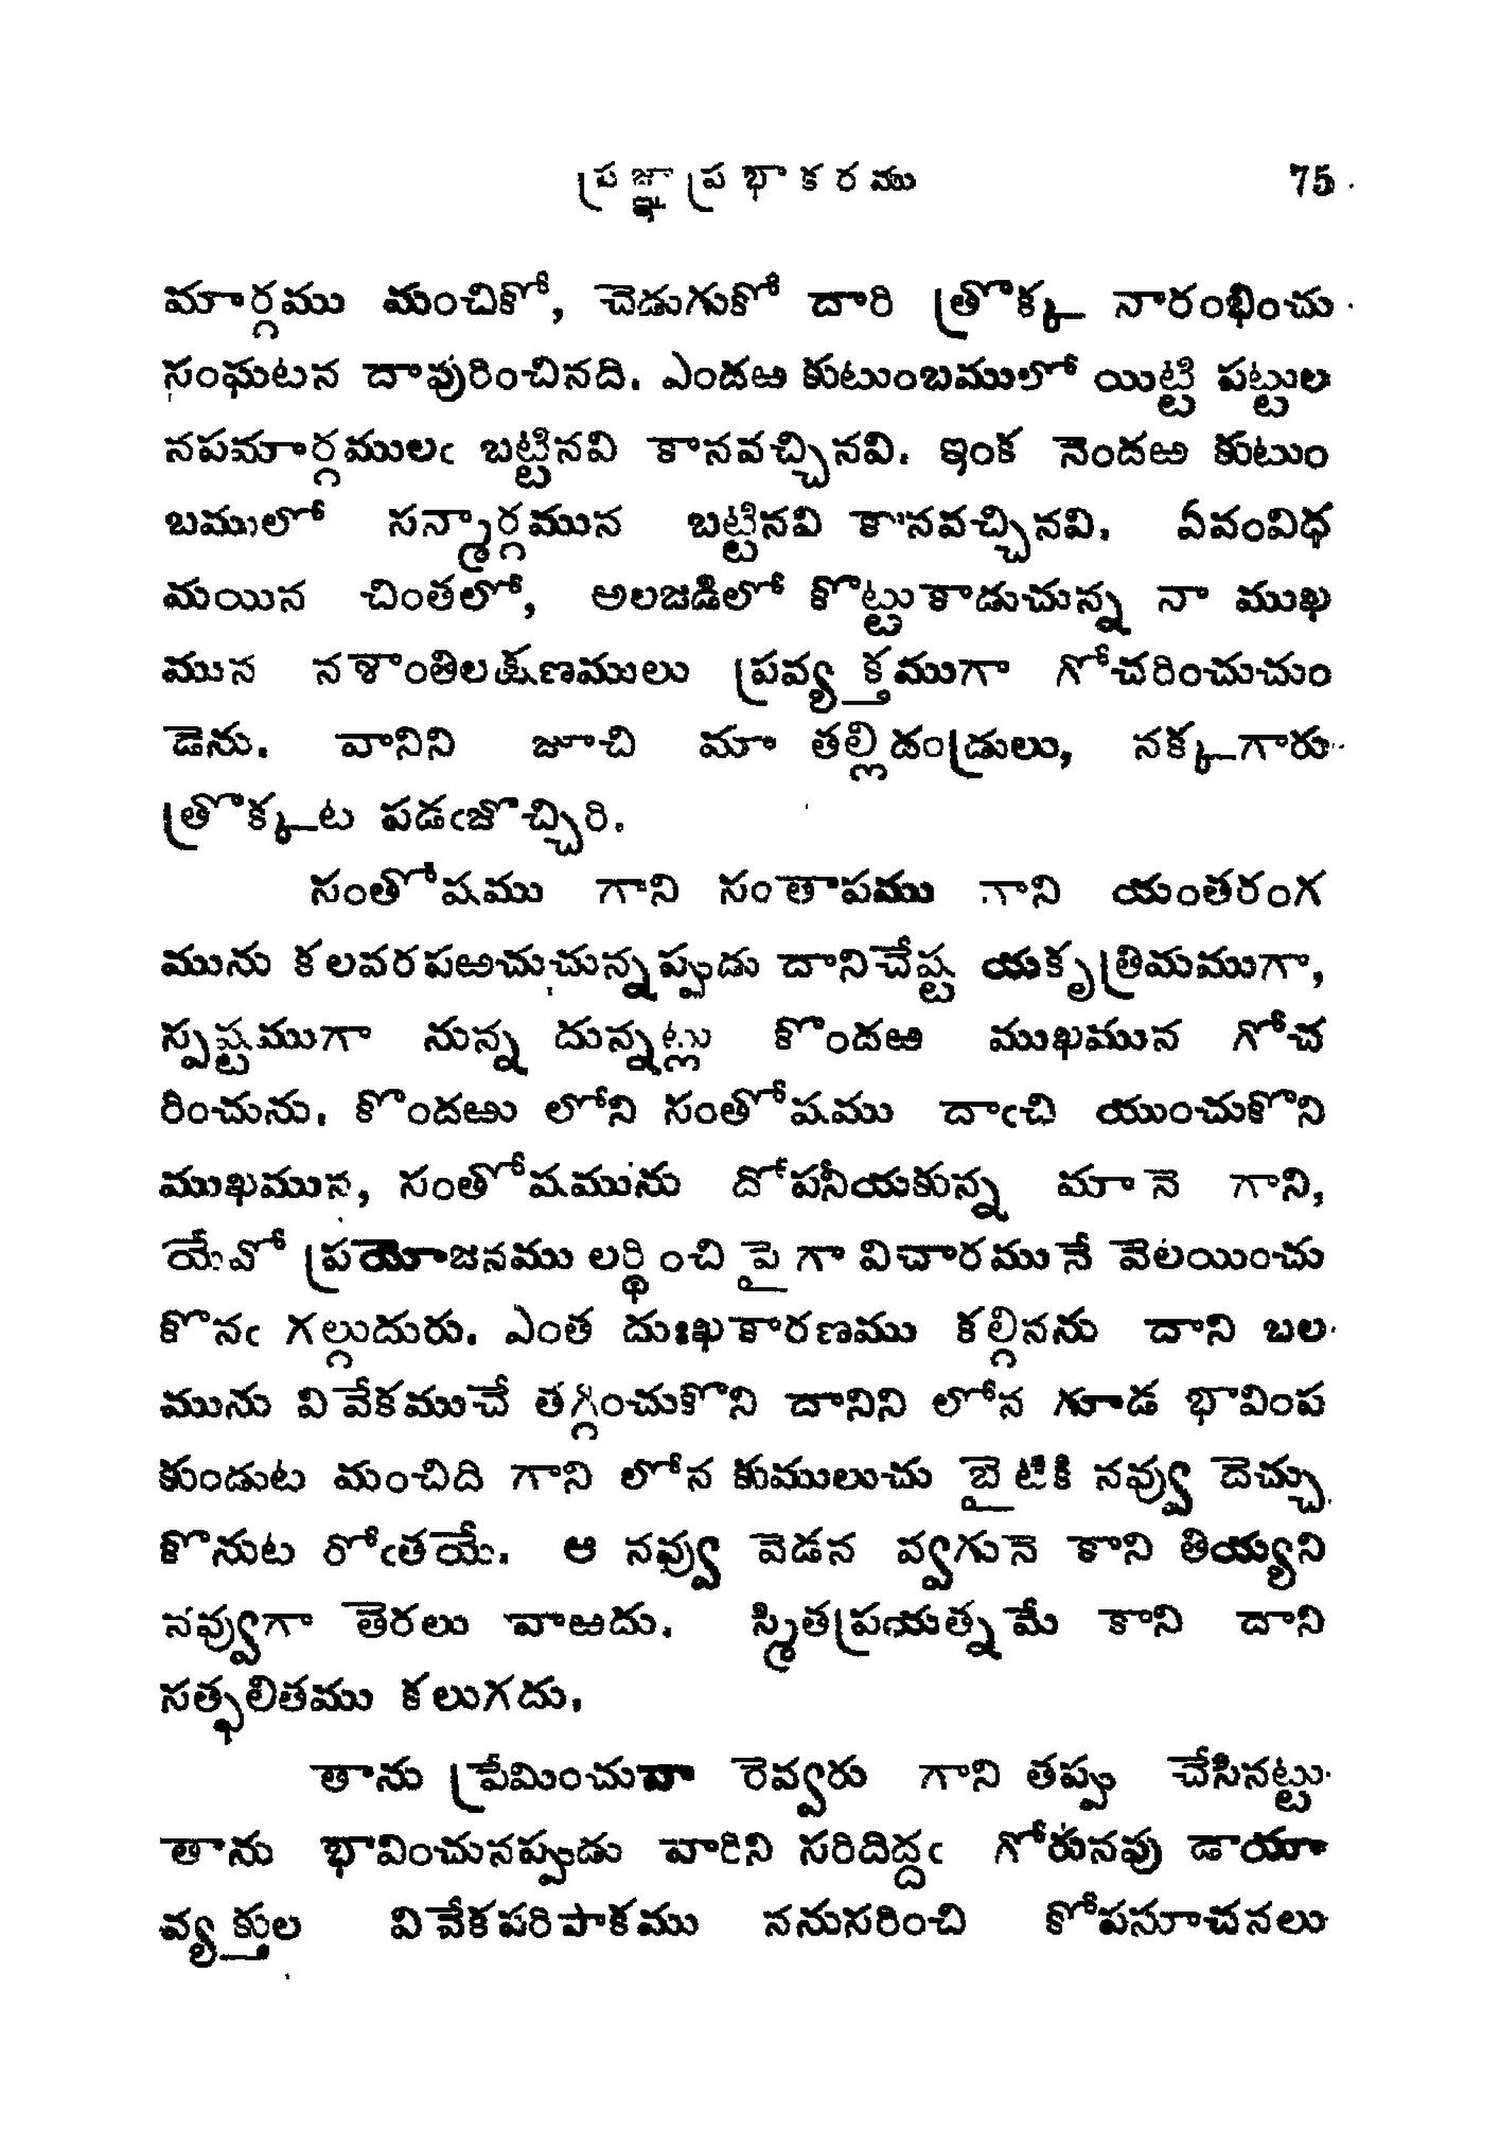మార్గము మంచికో,చెడుగుకో దారి త్రొక్క నారంభించు సంఘటన దాపురించినది. ఎందఱ కుటుంబములో యిట్టిపట్టుల నప మార్గములఁ బట్టినవి కానవచ్చినవి. ఇంక నెందఱ కుటుంబముతో సన్మర్గముల బట్టినవి కానవచ్చినవి. ఏవంవిధమయిన కొట్టుకాడుచున్న నా ముఖమున న శాంతిలక్షణములు ప్రవ్యక్తముగా గోచరించుచుండెను. వానిని జూచి మా తల్లిదండ్రులు, నక్క గారు త్రొక్కట పడఁజొచ్చిరి.

సంతోషము గాని సంతాపము గాని యంతరంగమును కలవరపఱచుచున్నప్పుడు దాని చేష్టయ కృత్రిమముగా, స్పష్టముగానున్న దున్నట్లు కొందఱ ముఖమున గోచరించుచును. కొందఱు లోని సంతోషము దాఁచి యుంచు కొని ముఖమున, సంతోషమును దోపయకున్న మానెగాని, యేవో ప్రయోజనము లర్ధింప పైగా విచారమునే వెలయించుకొనఁ గల్గుదురు. ఎంత దుఃఖకారణము కల్గినను దాని బలమును వివేకముచే తగ్గించుకొని దానిని లోనగూడ భావింపకుండుట మంచిది గాని లోన కుములుచు బైటికి నవ్వు దెచ్చుకొనుట రోఁతయే. అ నవ్వు వెడన వ్వగునె కాని తియ్యని నవ్వుగా తెరలు వాఱదు. స్మిత ప్రయత్నమే కాని దాని సత్ఫలితము కలుగదు.

తాను ప్రేమించువా రెవ్వరు గాని తప్పు చేసినట్టు తాను భావించునప్పుడు వారిని సరిదిద్దఁ గోరునపు డాయా వ్యక్తుల వివేక పరిపాకము ననుసరించి కోపసూచనలు